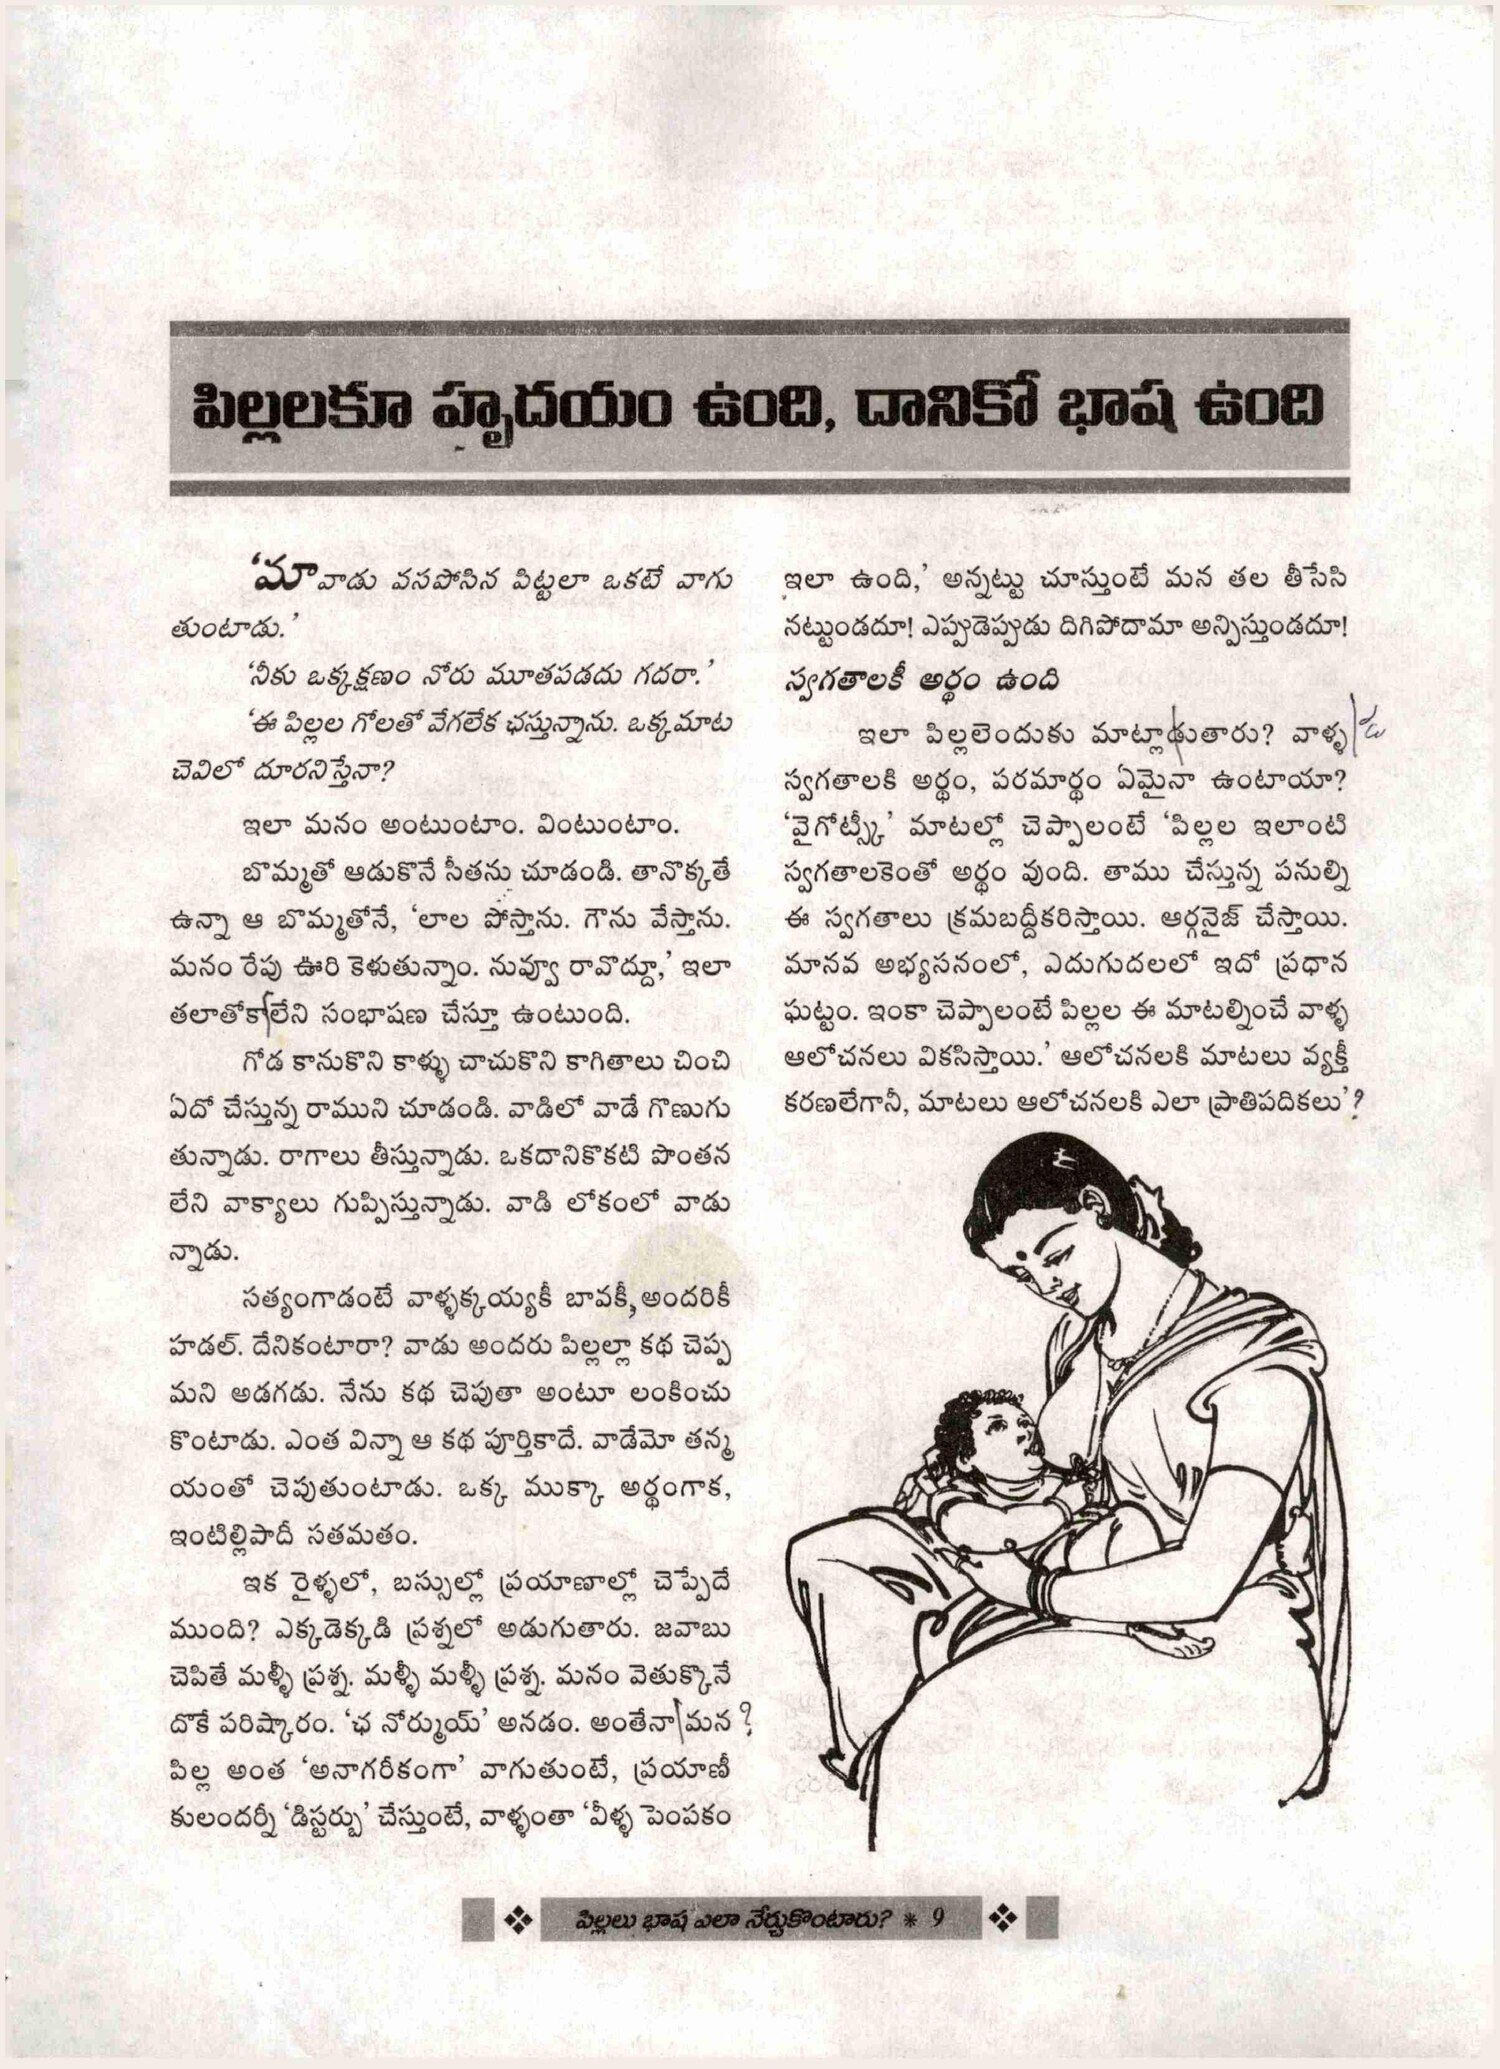పిల్లలకూ హృదయం ఉంది, దానికో భాష ఉంది

'మావాడు వసపోసిన పిట్టలా ఒకటే వాగుతుంటాడు.

'నీకు ఒక్కక్షణం నోరు మూతపడదు గదరా. '

'ఈ పిల్లల గోలతో వేగలేక ఛస్తున్నాను. ఒక్కమాట చెవిలో దూరనిస్తేనా?

ఇలా మనం అంటుంటాం. వింటుంటాం.

బొమ్మతో ఆడుకొనే సీతను చూడండి. తానొక్కతే ఉన్నా ఆ బొమ్మతోనే, 'లాల పోస్తాను. గౌను వేస్తాను. మనం రేపు ఊరి కెళుతున్నాం. నువ్వూ రావొద్దూ,' ఇలా తలాతోకాలేని సంభాషణ చేస్తూ ఉంటుంది.

గోడ కానుకొని కాళ్ళు చాచుకొని కాగితాలు చించి ఏదో చేస్తున్న రాముని చూడండి. వాడిలో వాడే గొణుగుతున్నాడు. రాగాలు తీస్తున్నాడు. ఒకదానికొకటి పొంతన లేని వాక్యాలు గుప్పిస్తున్నాడు. వాడి లోకంలో వాడున్నాడు.

సత్యంగాడంటే వాళ్ళక్కయ్యకీ బావకీ, అందరికీ హడల్. దేనికంటారా? వాడు అందరు పిల్లల్లా కథ చెప్పమని అడగడు. నేను కథ చెపుతా అంటూ లంకించుకొంటాడు. ఎంత విన్నా ఆ కథ పూర్తికాదే. వాడేమో తన్మయంతో చెపుతుంటాడు. ఒక్క ముక్కా అర్థంగాక, ఇంటిల్లిపాదీ సతమతం.

ఇక రైళ్ళలో, బస్సుల్లో ప్రయాణాల్లో చెప్పేదేముంది? ఎక్కడెక్కడి ప్రశ్నలో అడుగుతారు. జవాబు చెపితే మళ్ళీ ప్రశ్న. మళ్ళీ మళ్ళీ ప్రశ్న. మనం వెతుక్కొనే దొకే పరిష్కారం. ‘ఛ నోర్ముయ్' అనడం. అంతేనా మన ? పిల్ల అంత 'అనాగరీకంగా' వాగుతుంటే, ప్రయాణీకులందర్నీ ‘డిస్టర్బు' చేస్తుంటే, వాళ్ళంతా 'వీళ్ళ పెంపకం ఇలా ఉంది,' అన్నట్టు చూస్తుంటే మన తల తీసేసినట్టుండదూ! ఎప్పుడెప్పుడు దిగిపోదామా అన్పిస్తుండదూ!

స్వగతాలకీ అర్థం ఉంది

ఇలా పిల్లలెందుకు మాట్లాడుతారు? వాళ్ళ స్వగతాలకి అర్థం, పరమార్థం ఏమైనా ఉంటాయా? 'వైగోట్స్కీ' మాటల్లో చెప్పాలంటే 'పిల్లల ఇలాంటి స్వగతాలకెంతో అర్థం వుంది. తాము చేస్తున్న పనుల్ని ఈ స్వగతాలు క్రమబద్దీకరిస్తాయి. ఆర్గనైజ్ చేస్తాయి. మానవ అభ్యసనంలో, ఎదుగుదలలో ఇదో ప్రధాన ఘట్టం. ఇంకా చెప్పాలంటే పిల్లల ఈ మాటల్నించే వాళ్ళ ఆలోచనలు వికసిస్తాయి. ఆలోచనలకి మాటలు వ్యక్తీకరణలేగానీ, మాటలు ఆలోచనలకి ఎలా ప్రాతిపదికలు'?